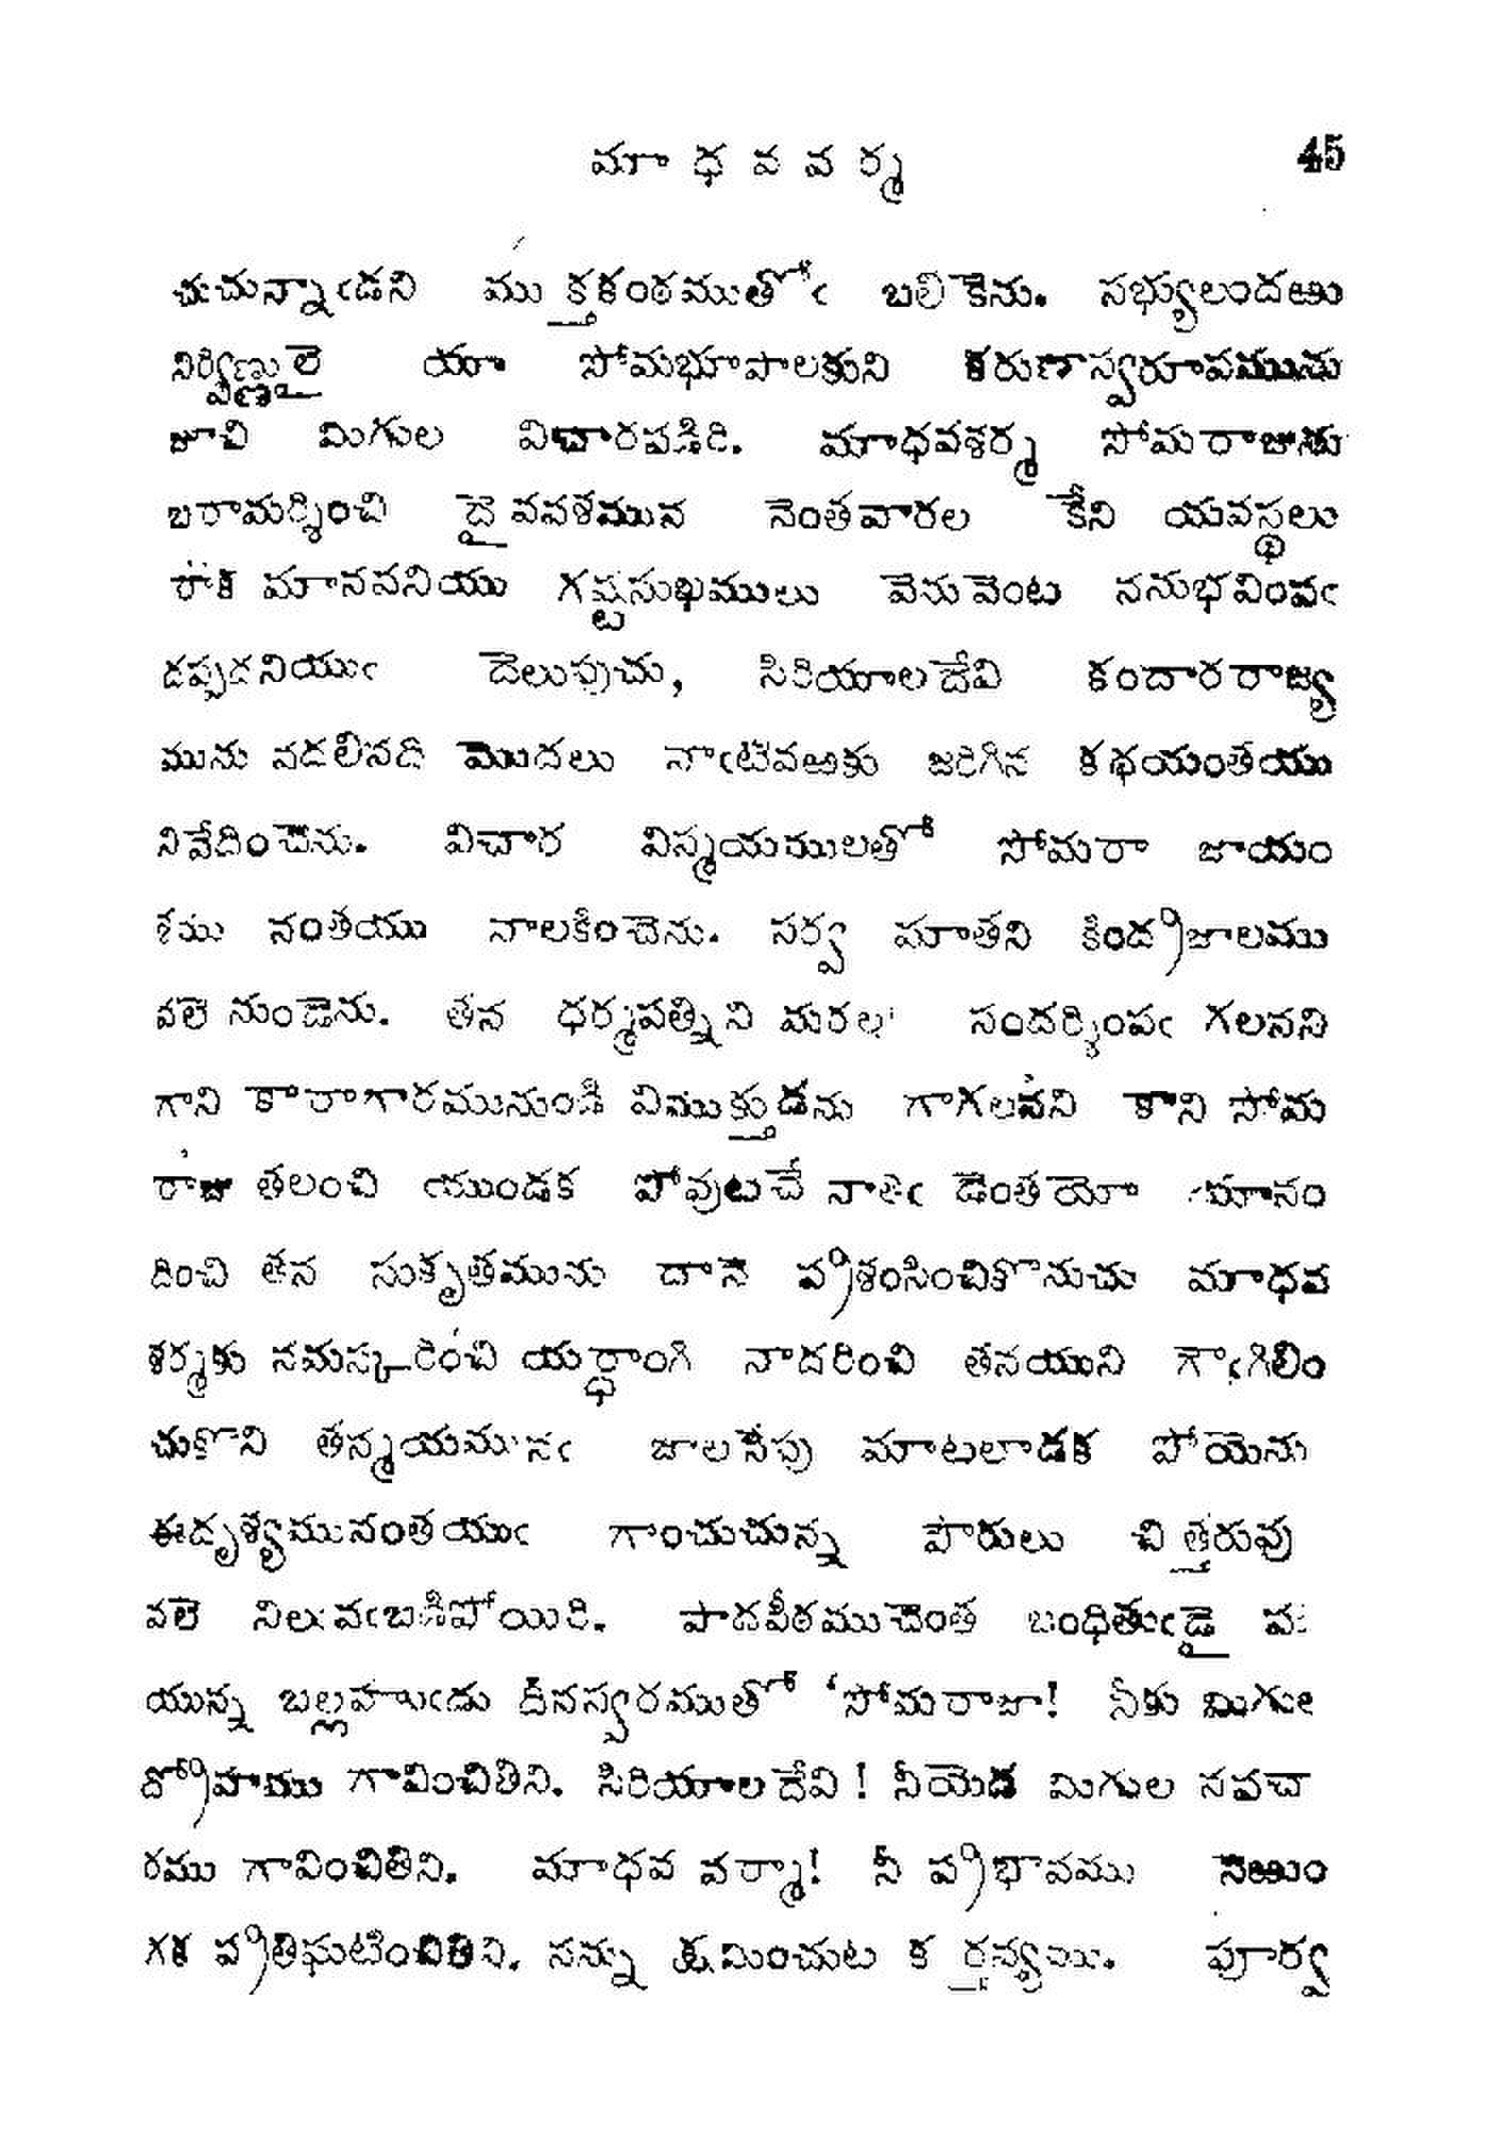చుచున్నాడని ముక్తకంఠముతో బలికెను. సభ్యులందఱు నిర్విణ్ణులై యా సోమభూపాలకుని కరణాస్వరూపమును జూచి మిగుల విచారపడిరి. మాధవసర్మ సోమరాజును బరామర్శించి దైవవశమున నెంతవారల కేని యవస్థలు రాక మానవనియు గష్టసుఖములు వెనువెంట ననుభవింప దప్పదనియు దెలుపుచు, సిరియాలదేవి కందారరాజ్యమును వదలినది మొదలు నాటివఱకు జరిగిన కథయంతయు నివేదించెను. విచార విన్మయములతో సోమరా జాయంశము నంతయు నాలకించెను. సర్వ మాతని కింద్రజాలమువలె నుండెను. తన ధర్మపత్నిని మరల సందర్శింప గలనని గాని కారాగారమునుండి విముక్తుడను గాగలనని కాని సోమరాజు తలంచి యుండక పోవుటచే నాత డెంతయో యానందించి తన సుకృతమును దానె ప్రశంసించికొనుచు మాధవశర్మకు నమస్కరించి యర్ధాంగి నాదరించి తనయుని గౌగిలించుకొని తన్మయమున జాలసేపు మాటలాడక పోయెను. ఈదృశ్యమునంతయు గాంచుచున్న పౌరులు చిత్తరువు వలె నిలువబడిపోయిరి. పాదపీఠముచెంత బంధితుడై పడియున్న బల్లహుడు దీనస్వరముతో 'సోమరాజా! నీకు మిగుల ద్రోహము గావించితిని. సిరియాలదేవి! నీయెడ మిగుల నపచారము గావించితిని. మాధవవర్మా! నీ ప్రభావము నెఱుంగక ప్రతిఘటించితిని, నన్ను క్షమించుట కర్తవ్యము. పూర్వ